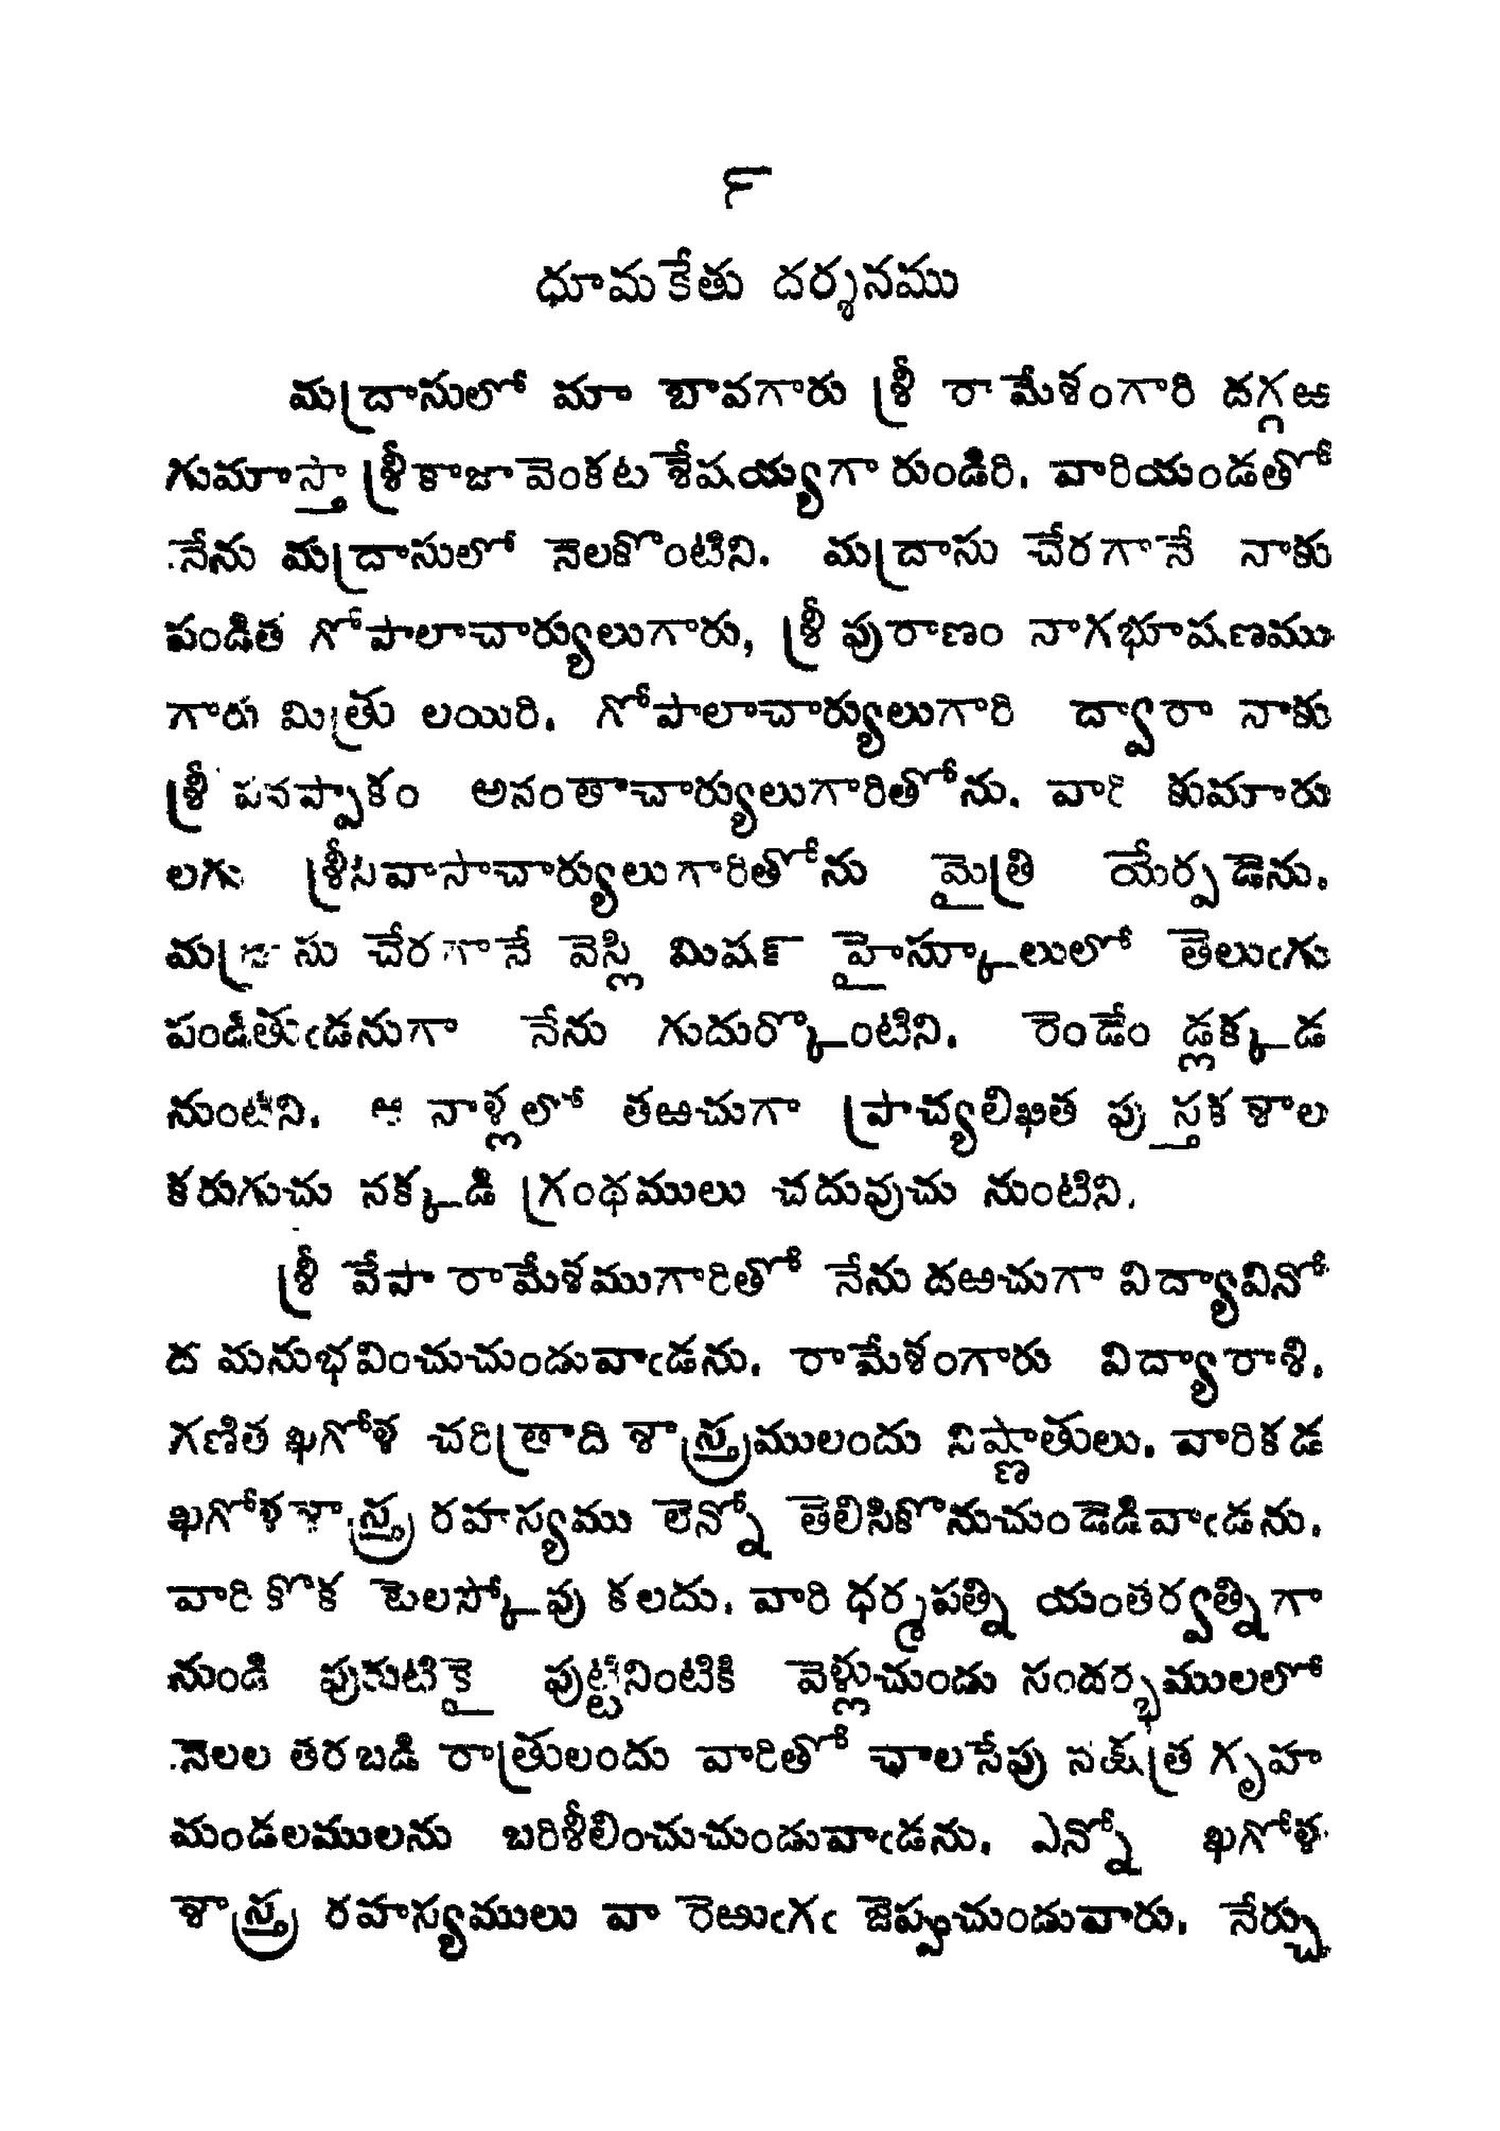మద్రాసులో మా బావగారు దరి రామేశంగారి దగ్గఱ గుమాస్తా శ్రీ కాజా వెంకటశేషయ్యగా రుండిరి. వారి యండతో నేను మద్రాసులో నేలకొంటిని, మద్రాసు చేరగానే నాకు శ్రీ పండిత గోపాలాచార్యులుగారు, శ్రీ పురాణం నాగభూషణము గారు మిత్రులయిరి. గోపాలాచార్యులుగారి ద్వారా నాకు శ్రీ పనప్పాకం అనంతాచార్యులుగారితోను, వారి కుమారులగు శ్రీనివాసా చార్యులుగారి తోను మైత్రి యేర్పడెను. మద్రాసు చేరగానే వెస్లి మిష౯ హైస్కూలులో తెలుఁ గు పండితుఁ డనుగా నేను గుదుర్కొంటిని. రెండేం డ్లక్కడ నుంటిని. ఆ నాళ్ళలో తఱచుగా ప్రాచ్యలిఖిత పుస్తకశాల కరుగుచు నక్కడి గ్రంధములు చదువుచునుంటిని.

శ్రీ వేపా రామేశముగారితో నేను దఱచుగా విద్యావినోద మనుభవించుచుండు వాఁడను. రామేశంగారు విద్యారాశి. గణిత ఖగోళ చరిత్రాది శాస్త్రములందు నిష్ణాతులు వారికడ ఖగోళశాస్త్ర రహస్యములెన్నో తెలిసినుచుండెడి వాఁ డను. వారికొక టెలస్కోపు కలదు. వారిధర్మ పత్ని యంతర్వత్నిగా నుండి పురుటికై పుట్టినింటికి వెళ్ళుచుండు సందర్భములలో నెలల తరబడి రాత్రులందు వారితో చాలసేపు నక్షత్ర గ్రహమండలములను బరిశీలించుచుండువాఁ డను. ఎన్నో ఖగోళశాస్త్ర రహస్యములు వా రెఱుఁగఁ జెప్పుచుండు వారు. నేర్చు